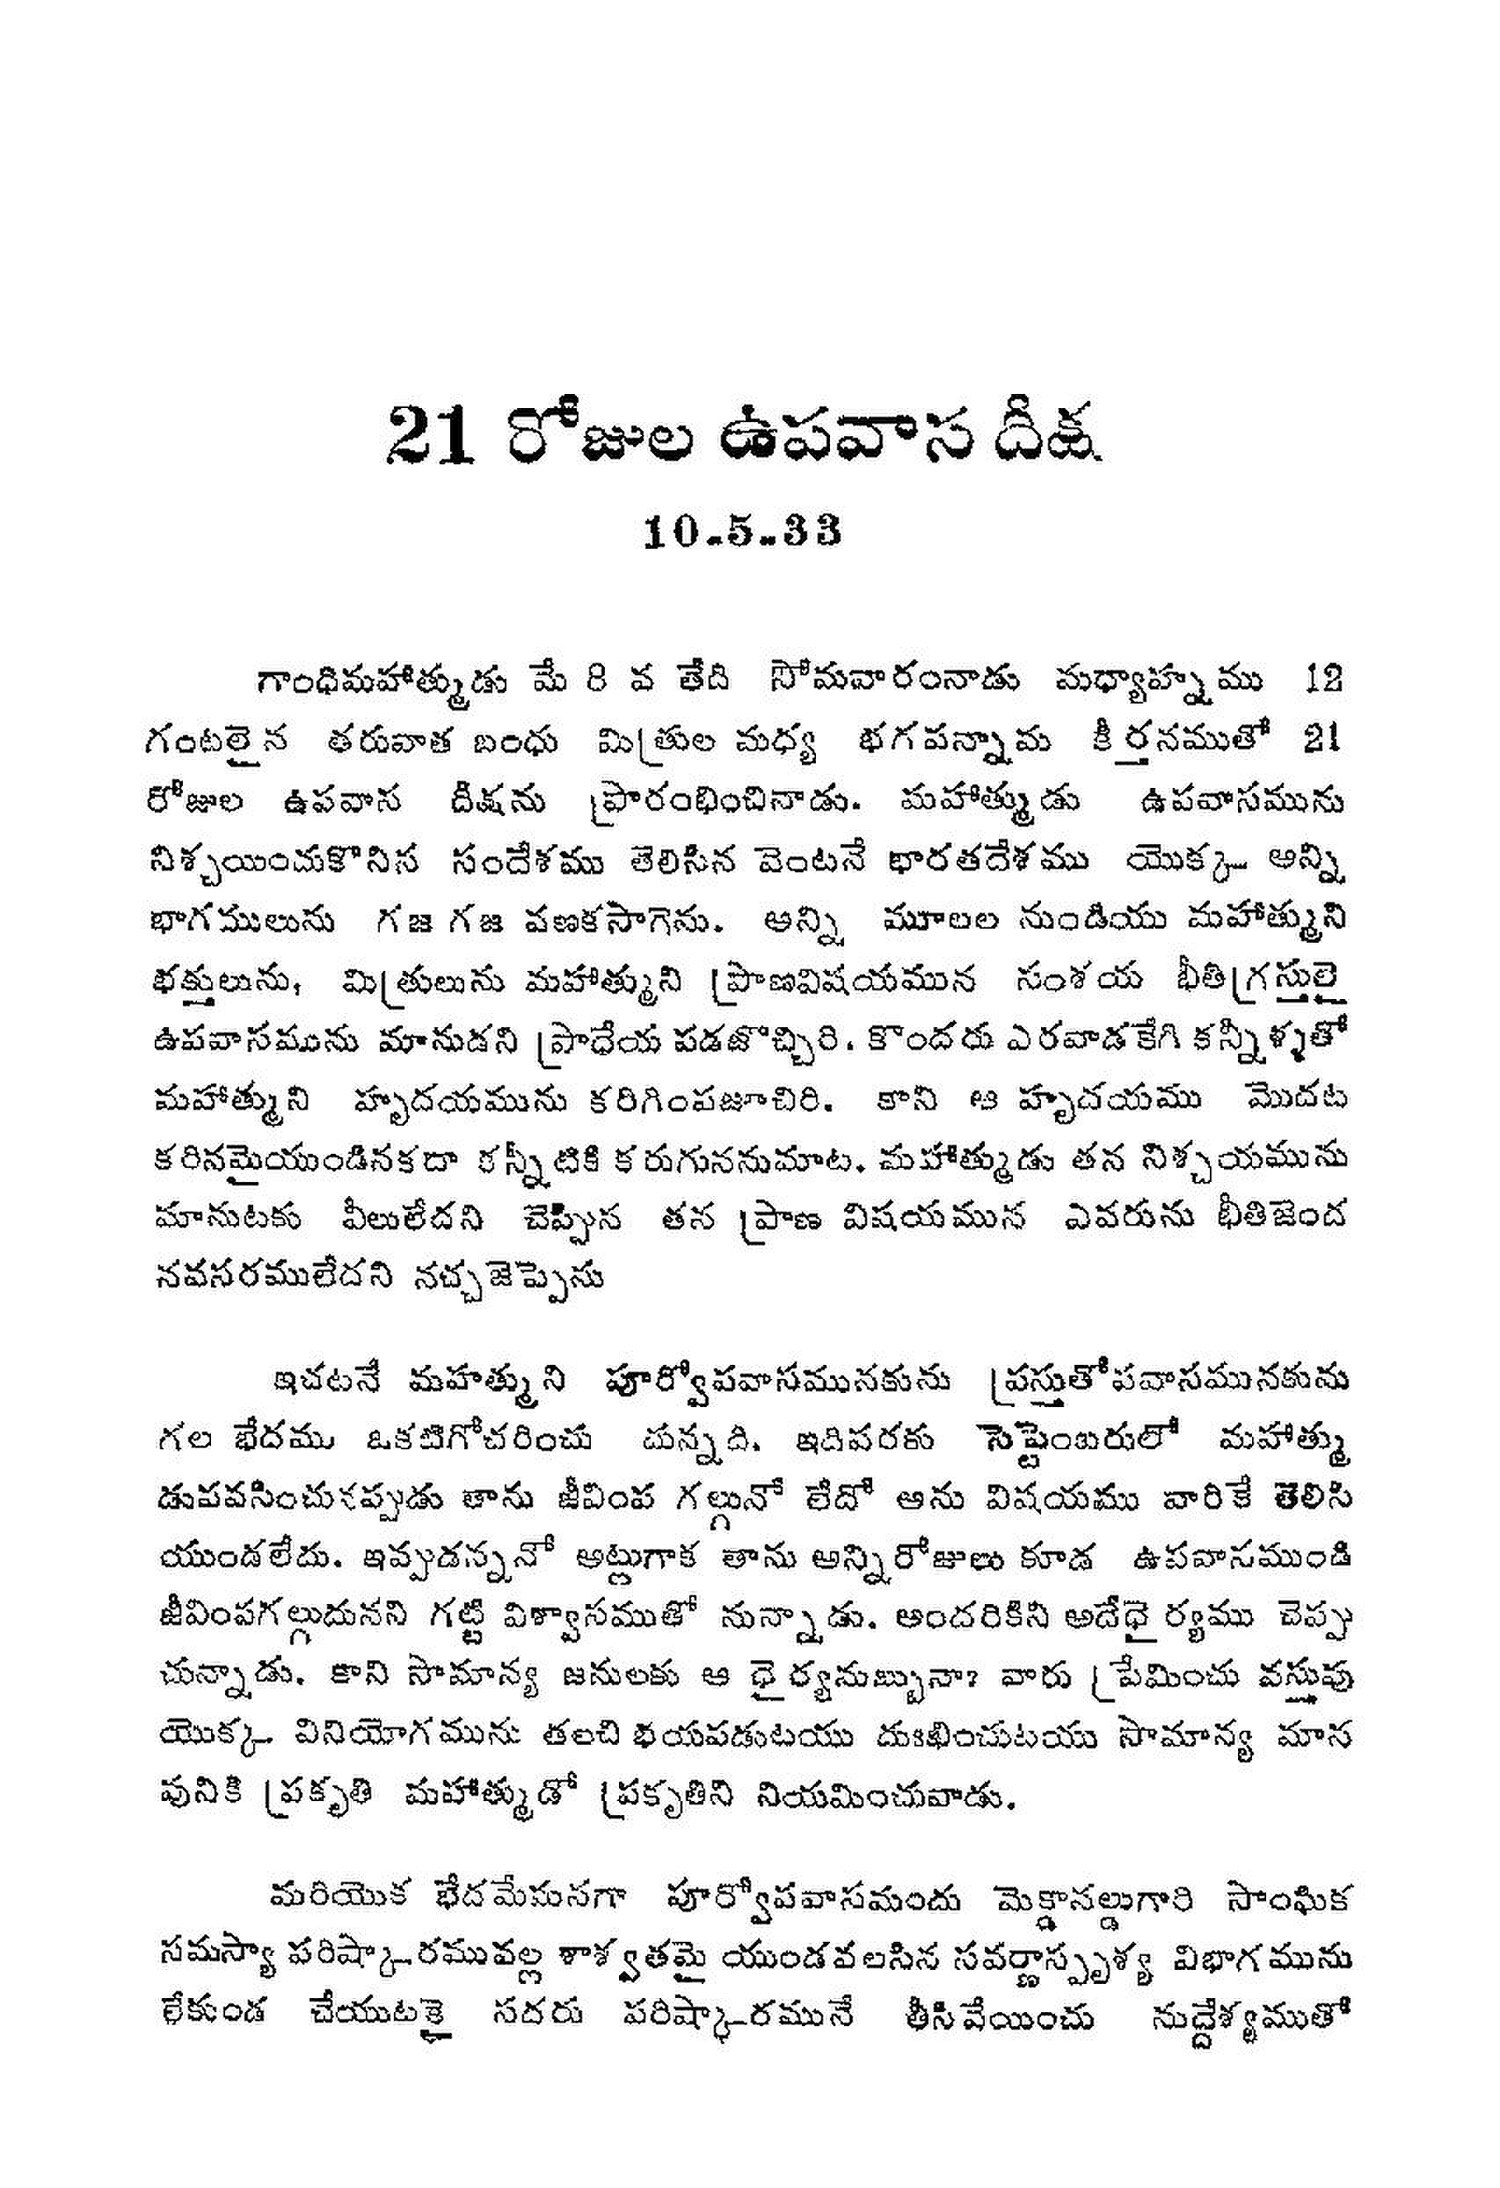21 రోజుల ఉపవాస దీక్ష

10 - 5 - 33

గాంధిమహాత్ముడు మే 8 వ తేది సోమవారంనాడు మధ్యాహ్నము 12 గంటలైన తరువాత బంధు మిత్రుల మధ్య భగవన్నామ కీర్తనముతో 21 రోజుల ఉపవాస దీక్షను ప్రారంభించినాడు. మహాత్ముడు ఉపవాసమును నిశ్చయించుకొనిస సందేశము తెలిసిన వెంటనే భారతదేశము యొక్క అన్ని భాగములును గజ గజ వణకసాగెను. అన్ని మూలల నుండియు మహాత్ముని భక్తులును, మిత్రులును మహాత్ముని ప్రాణవిషయమున సంశయ భీతిగ్రస్తులై
ఉపవాసమును మానుడని ప్రాధేయ పడజొచ్చిరి. కొందరు ఎరవాడకేగి కన్నీళ్ళతో మహాత్ముని హృదయమును కరిగింపజూచిరి. కాని ఆ హృదయము మొదట కఠినమైయుండినకదా కన్నీటికి కరుగుననుమాట, మహాత్ముడు తన నిశ్చయమును మానుటకు వీలులేదని చెప్పిన తన ప్రాణ విషయమున ఎవరును భీతిజెంద నవసరములేదని నచ్చజెప్పెను

ఇచటనే మహత్ముని పూర్వోపవాసమునకును ప్రస్తుతోపవాసమునకును గల భేదము ఒకటిగోచరించు చున్నది. ఇదివరకు సెప్టెంబరులో మహాత్ము డుపవసించునప్పుడు తాను జీవింప గల్గునో లేదో అను విషయము వారికే తెలిసి యుండలేదు. ఇప్పుడన్ననో అట్లుగాక తాను అన్ని రోజులు కూడ ఉపవాసముండి జీవింపగల్గుదునని గట్టి విశ్వాసముతో నున్నాడు. అందరికిని అదేధైర్యము చెప్పుచున్నాడు. కాని సామాన్య జనులకు ఆ ధైర్యనుబ్బునా? వారు ప్రేమించు వస్తువు యొక్క వినియోగమును తలచి భయపడుటయు దుఃఖించుటయు సామాన్య మానపునికి ప్రకృతి మహాత్ముడో ప్రకృతిని నియమించువాడు.

మరియొక భేదమేమనగా పూర్వోపవాసమందు మెక్డానాల్డుగారి సాంఘిక సమస్యా పరిష్కారమువల్ల శాశ్వతమై యుండవలసిన సవర్ణాస్పృశ్య విభాగమును లేకుండ చేయుటకై సదరు పరిష్కారమునే తీసివేయించు నుద్దేశ్యముతో